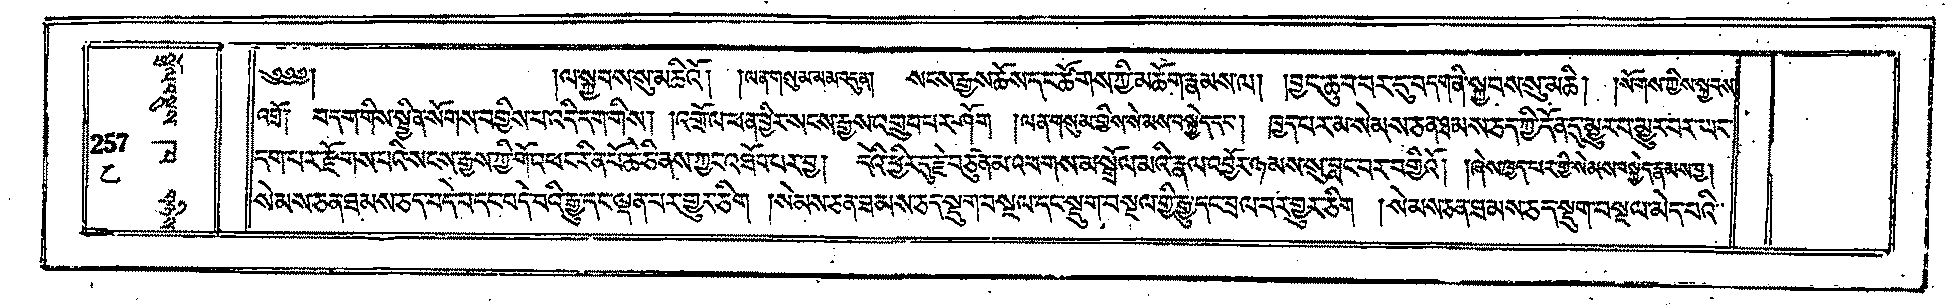༄༅། །ལ་སྐྱབས་སུ་མཆིའོ། །ལན་གསུམ་མམ་བདུན།  སངས་རྒྱས་ཆོས་དང་ཚོགས་ཀྱི་མཆོག་རྣམས་ལ། །བྱང་ཆུབ་བར་དུ་བདག་ནི་སྐྱབས་སུ་མཆི། །སོགས་ཀྱིས་སྐྱབས་
འགྲོ༑ བདག་གིས་སྦྱིན་སོགས་བགྱིས་པ་འདི་དག་གིས། །འགྲོ་ལ་ཕན་ཕྱིར་སངས་རྒྱས་འགྲུབ་པར་ཤོག་།ལན་གསུམ་གྱིས་སེམས་བསྐྱེད་དང་།  ཁྱད་པར་མ་སེམས་ཅན་ཐམས་ཅད་ཀྱི་དོན་དུ་མྱུར་བ་མྱུར་བར་ཡང་
དག་པར་རྫོགས་པའི་སངས་རྒྱས་ཀྱི་གོ་འཕང་རིན་པོ་ཆེ་ཅི་ནས་ཀྱང་འཐོབ་པར་བྱ། དེའི་ཕྱིར་དུ་རྗེ་བཙུན་མ་འཕགས་མ་སྒྲོལ་མའི་རྣལ་འབྱོར་ཉམས་སུ་བླང་བར་བགྱིའོ། །ཞེས་ཁྱད་པར་གྱི་སེམས་བསྐྱེད་རྣམས་བྱ།
སེམས་ཅན་ཐམས་ཅད་བདེ་བ་དང་བདེ་བའི་རྒྱུ་དང་ལྡན་པར་གྱུར་ཅིག །སེམས་ཅན་ཐམས་ཅད་སྡུག་བསྔལ་དང་སྡུག་བསྔལ་གྱི་རྒྱུ་དང་བྲལ་བར་གྱུར་ཅིག །སེམས་ཅན་ཐམས་ཅད་སྡུག་བསྔལ་མེད་པའི་་་